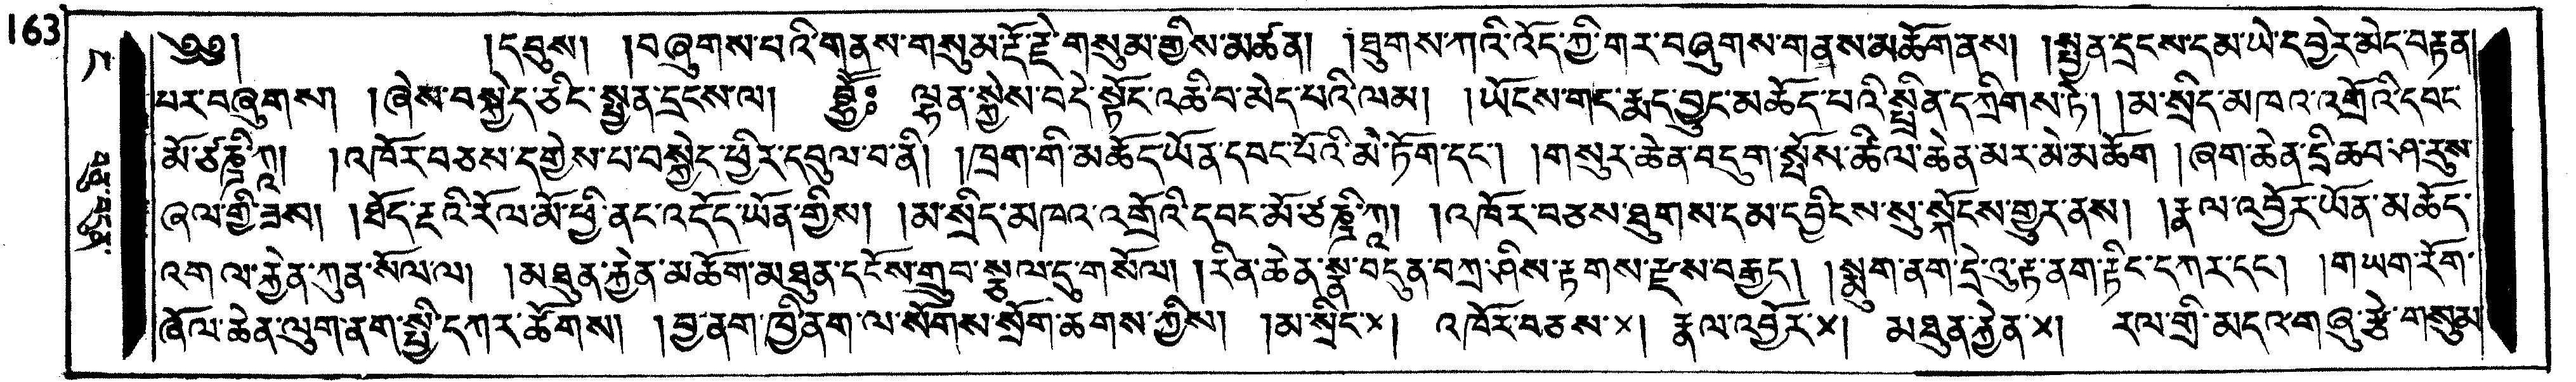༄༅། །དབུས། །བཞུགས་པའི་གནས་གསུམ་རྡོ་རྗེ་གསུམ་གྱིས་མཚན། །ཐུགས་ཀའི་འོད་ཀྱི་གར་བཞུགས་གནས་མཆོག་ནས། །སྤྱན་དྲངས་དམ་ཡེ་དབྱེར་མེད་བརྟན་
པར་བཞུགས། །ཞེས་བསྐྱེད་ཅིང་སྤྱན་དྲངས་ལ། བྷྱཽཿ ལྷན་སྐྱེས་བདེ་སྟོང་འཆི་བ་མེད་པའི་ལམ། །ཡོངས་གང་རྨད་བྱུང་མཆོད་པའི་སྤྲིན་དཀྲིགས་ཏེ། །མ་སྲིད་མཁའ་འགྲོའི་དབང་
མོ་ཙཎྜི་ཀཱ། །འཁོར་བཅས་དགྱེས་པ་བསྐྱེད་ཕྱིར་དབུལ་བ་ནི། །ཁྲག་གི་མཆོད་ཡོན་དབང་པོའི་མེ་ཏོག་དང་། །གསུར་ཆེན་བདུག་སྤོས་ཚིལ་ཆེན་མར་མེ་མཆོག །ཞག་ཆེན་དྲི་ཆབ་ཤ་རུས་
ཞལ་གྱི་ཟས། །ཐོད་རྔའི་རོལ་མོ་ཕྱི་ནང་འདོད་ཡོན་གྱིས། །མ་སྲིད་མཁའ་འགྲོའི་དབང་མོ་ཙཎྜི་ཀཱ། །འཁོར་བཅས་ཐུགས་དམ་དབྱིངས་སུ་སྐོངས་གྱུར་ནས། །རྣལ་འབྱོར་ཡོན་མཆོད་
འགལ་རྐྱེན་ཀུན་སོལ་ལ། །མཐུན་རྐྱེན་མཆོག་མཐུན་དངོས་གྲུབ་སྩལ་དུ་གསོལ། །རིན་ཆེན་སྣ་བདུན་བཀྲ་ཤིས་རྟགས་རྫས་བརྒྱད། །སྨུག་ནག་དྲེ་འུ་རྟ་ནག་རྟིང་དཀར་དང་། །གཡག་རོག་
ཞོལ་ཆེན་ལུག་ནག་སྤྱི་དཀར་ཚོགས། །བྱ་ནག་ཁྱི་ནག་ལ་སོགས་སྲོག་ཆགས་ཀྱིས། །མ་སྲིང་+། འཁོར་བཅས་+། རྣལ་འབྱོར་+། མཐུན་རྐྱེན་+། རལ་གྲི་མདའ་གཞུ་རྩེ་གསུམ་